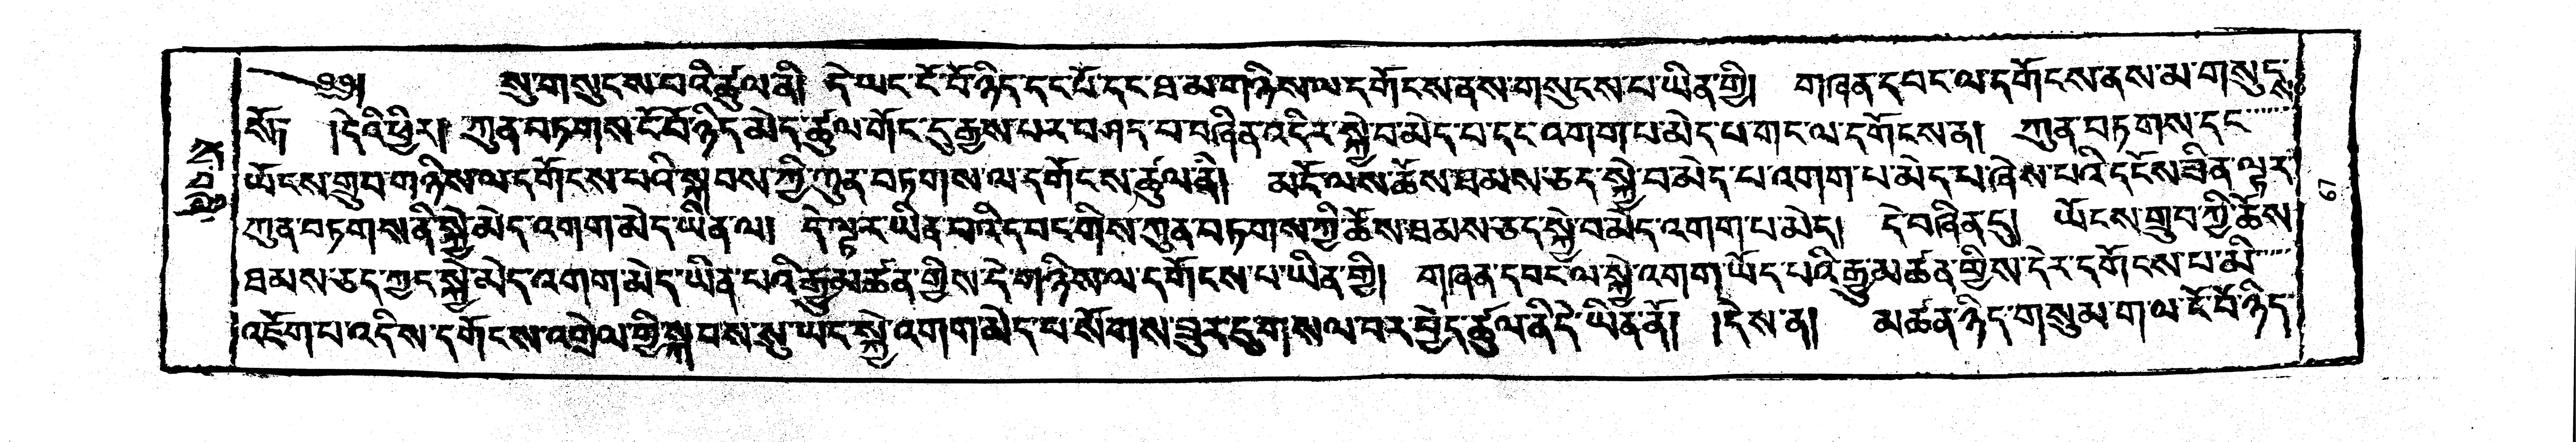༄༅། །སུ་གསུངས་པའི་ཚུལ་ནི། དེ་ཡང་ངོ་བོ་ཉིད་དང་པོ་དང་ཐ་མ་གཉིས་ལ་དགོངས་ནས་གསུངས་པ་ཡིན་གྱི། གཞན་དབང་ལ་དགོངས་ནས་མ་གསུངས་
སོ། །དེའི་ཕྱིར། ཀུན་བཏགས་ངོ་བོ་ཉིད་མེད་ཚུལ་གོང་དུ་རྒྱས་པར་བཤད་པ་བཞིན་འདིར་སྐྱེ་བ་མེད་པ་དང་འགག་པ་མེད་པ་གང་ལ་དགོངས་ན། ཀུན་བཏགས་དང་
ཡོངས་གྲུབ་གཉིས་ལ་དགོངས་པའི་སྐབས་ཀྱི་ཀུན་བཏགས་ལ་དགོངས་ཚུལ་ནི། མདོ་ལས་ཆོས་ཐམས་ཅད་སྐྱེ་བ་མེད་པ་འགག་པ་མེད་པ་ཞེས་པའི་དངོས་ཟིན་ལྟར་
ཀུན་བཏགས་ནི་སྐྱེ་མེད་འགག་མེད་ཡིན་ལ། དེ་ལྟར་ཡིན་པའི་དབང་གིས་ཀུན་བཏགས་ཀྱི་ཆོས་ཐམས་ཅད་སྐྱེ་བ་མེད་འགག་པ་མེད། དེ་བཞིན་དུ། ཡོངས་གྲུབ་ཀྱི་ཆོས་
ཐམས་ཅད་ཀྱང་སྐྱེ་མེད་འགག་མེད་ཡིན་པའི་རྒྱུ་མཚན་གྱིས་དེ་གཉིས་ལ་དགོངས་པ་ཡིན་གྱི། གཞན་དབང་ལ་སྐྱེ་འགག་ཡོད་པའི་རྒྱུ་མཚན་གྱིས་དེར་དགོངས་པ་མི་
འཇོག་པ་འདིས་དགོངས་འགྲེལ་གྱི་སྐབས་སུ་ཡང་སྐྱེ་འགག་མེད་པ་སོགས་ཟུར་དུ་གསལ་བར་བྱེད་ཚུལ་ནི་དེ་ཡིན་ནོ། །དེས་ན། མཚན་ཉིད་གསུམ་ག་ལ་ངོ་བོ་ཉིད་